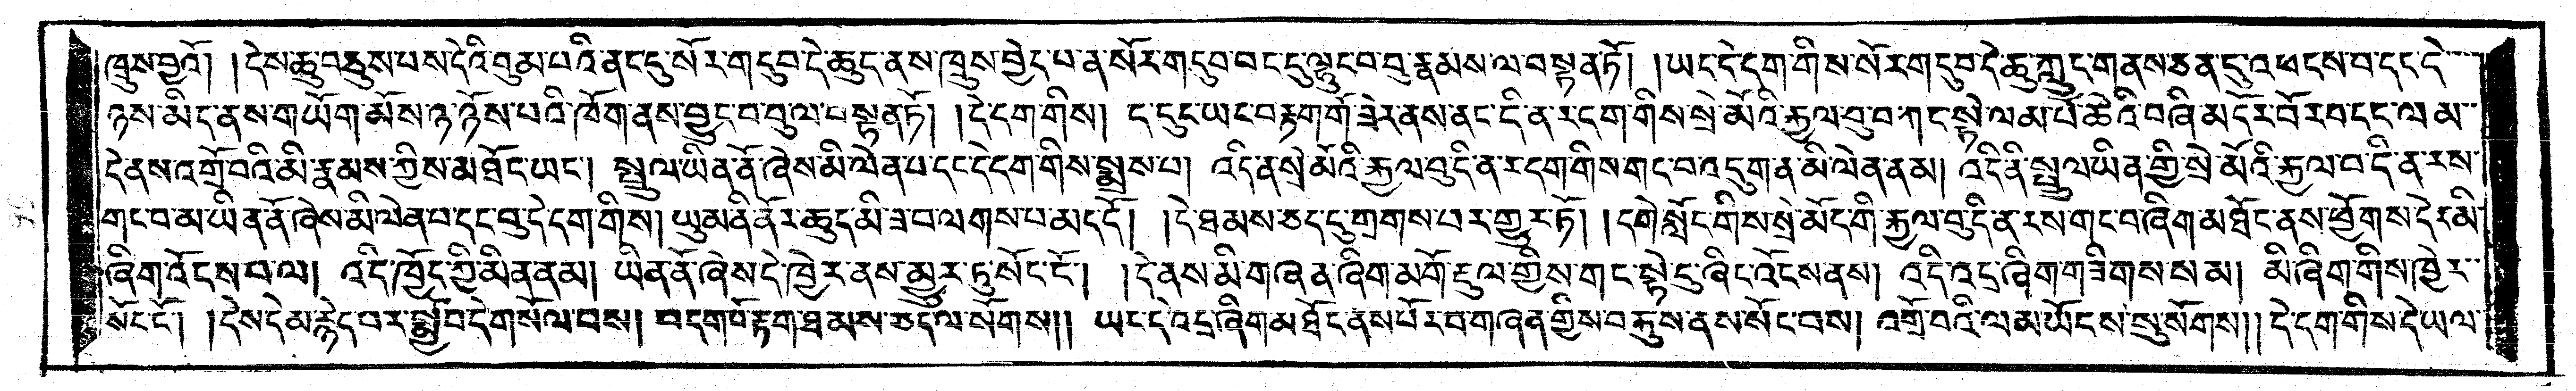ཁྲུས་བྱའོ། །དེས་ཆུ་བཅུས་པས་དེའི་བུམ་པའི་ནང་དུ་སོར་གདུབ་དེ་ཆུང་ནས་ཁྲུས་བྱེད་པ་ན་སོར་གདུབ་བང་དུ་ལྷུང་བ་བུ་རྣམས་ལ་བསྟན་ཏོ། །ཡང་དེ་དག་གིས་སོར་གདུབ་དེ་ཆུ་ཀླུང་གནས་ཅན་དུ་འཕངས་པ་དང་དེ་
ཉས་མིད་ནས་གཡོག་མོས་ཉ་ཉོས་པའི་ཁོག་ནས་བྱུང་བ་བུ་ལ་བསྟན་ཏོ། །དེ་དག་གིས། ད་དུང་ཡང་བརྟག་གོ་ཟེར་ནས་ནང་དི་ན་ར་དག་གིས་སྲེ་མོའི་རྐྱལ་བུ་བ་ཀང་སྟེ་ལམ་པོ་ཆེའི་བཞི་མདོར་བོར་བ་དང་ལམ་
དེ་ནས་འགྲོ་བའི་མི་རྣམས་ཀྱིས་མཐོང་ཡང་། སྤྲུལ་ཡིན་ནོ་ཞེས་མི་ལེན་པ་དང་དེ་དག་གིས་སྨྲས་པ། འདི་ན་སྲེ་མོའི་རྐྱལ་བུ་དི་ན་ར་དག་གིས་གང་བ་འདུག་ན་མི་ལེན་ནམ། འདི་ནི་སྤྲུལ་ཡིན་གྱི་སྲེ་མོའི་རྐྱལ་བ་དི་ན་རས་
གང་བ་མ་ཡིན་ནོ་ཞེས་མི་ལེན་པ་དང་བུ་དེ་དག་གིས། ཡུམ་ནི་ནོར་ཆུད་མི་ཟ་བ་ལགས་པ་མད་དོ། །དེ་ཐམས་ཅད་དུ་གྲགས་པར་གྱུར་ཏོ། །དགེ་སློང་གིས་སྲེ་མོད་གི་རྐྱལ་བུ་དི་ན་རས་གང་བ་ཞིག་མཐོང་ནས་ཕྱོགས་དེར་མི་
ཞིག་འོངས་པ་ལ། འདི་ཁྱོད་ཀྱི་མིན་ནམ། ཡིན་ནོ་ཞེས་དེ་ཁྱེར་ནས་མྱུར་ཏུ་སོང་ངོ། །དེ་ནས་མི་གཞན་ཞིག་མགོ་རྡུལ་གྱིས་གང་སྟེ་དུ་ཞིང་འོངས་ནས། འདི་འདྲ་ཞིག་གཟིགས་སམ། མི་ཞིག་གིས་ཁྱེར་
སོང་ངོ། །དེས་དེ་མ་རྙེད་པར་སྨྱོ་བ་དེ་གསོལ་བས། བདག་པོ་རྟག་ཐམས་ཅད་ལ་སོགས། །ཡང་དེ་འདྲ་ཞིག་མཐོང་ནས་པོར་བ་གཞན་གྱིས་བརྐུས་ནས་སོང་བས། འགྲོ་བའི་ལམ་ཡོངས་སུ་སོགས། །དེ་དག་གིས་དེ་ཡལ་